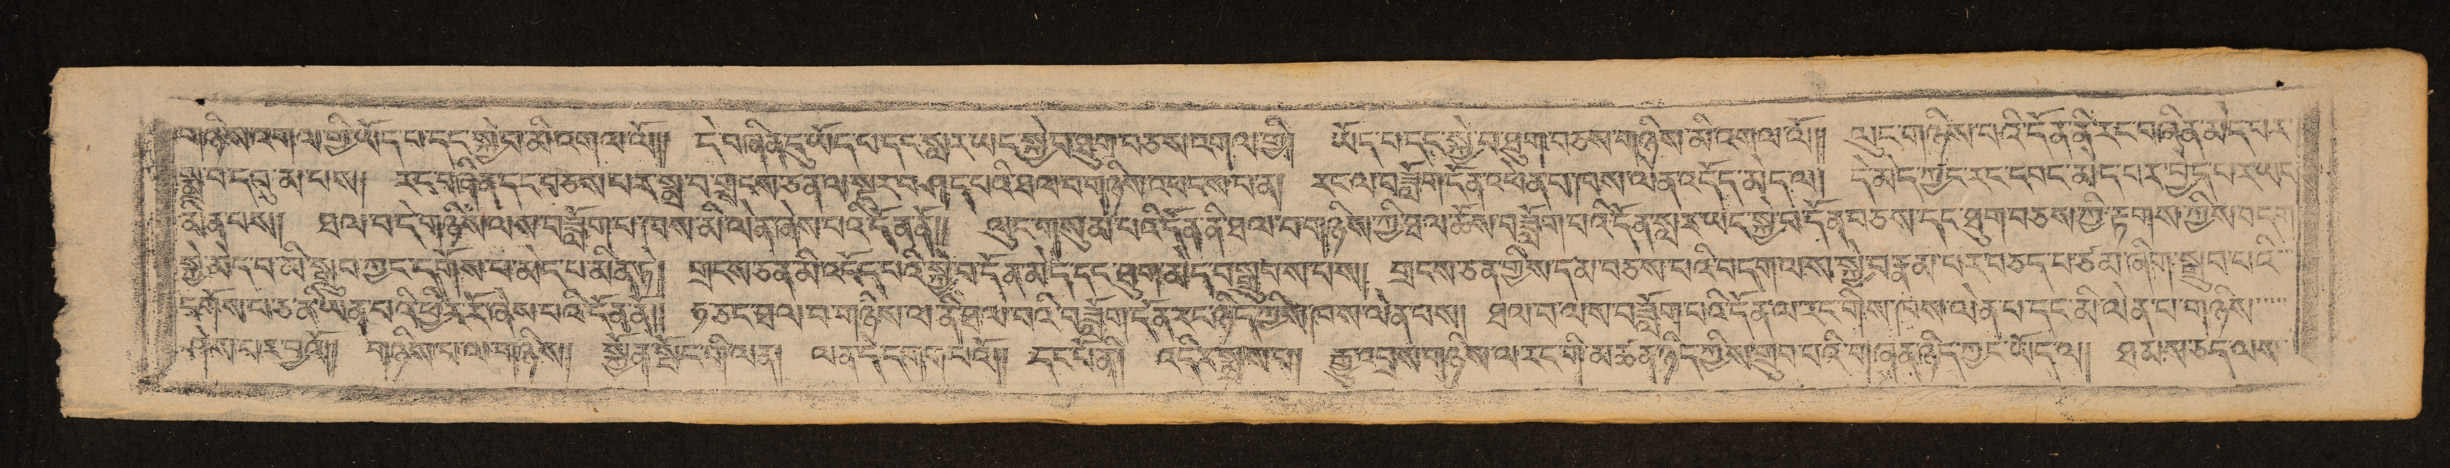གཉིས་འགལ་གྱི་ཡོད་པ་དང་སྐྱེ་བ་མི་འགལ་ལོ།། དེ་བཞིན་དུ་ཡོད་པ་དང་སླར་ཡང་སྐྱེ་བ་ཐུག་བཅས་འགལ་གྱི། ཡོད་པ་དང་སྐྱེ་བ་ཐུག་བཅས་གཉིས་མི་འགལ་ལོ།། ལུང་གཉིས་པའི་དོན་ནི་རང་བཞིན་མེད་པར་
སྨྲ་བ་དབུ་མ་པས། རང་བཞིན་དང་བཅས་པར་སྨྲ་བ་གྲངས་ཅན་ལ་སྔར་བཤད་པའི་ཐལ་བ་གཉིས་འཕངས་པ་ན། རང་ལ་བཟློག་དོན་འཕེན་པ་ཁས་ལེན་འདོད་མེད་ལ། དེ་མེད་ཀྱང་རང་དབང་མེད་པར་བྱེད་པར་ཡང་
མིན་པས། ཐལ་བ་དེ་གཉིས་ལས་བཟློག་པ་ཁས་མི་ལེན་ཞེས་པའི་དོན་ནོ།། ལུང་གསུམ་པའི་དོན་ནི་ཐལ་བ་གཉིས་ཀྱི་ཐལ་ཆོས་བཟློག་པའི་དོན་སླར་ཡང་སྐྱེ་བ་དོན་བཅས་དང་ཐུག་བཅས་ཀྱི་རྟགས་ཀྱིས་བདག་
སྐྱེ་མེད་པ་མི་སྒྲུབ་ཀྱང་དགོས་པ་མེད་པ་མིན་ཏེ། གྲངས་ཅན་མི་འདོད་པའི་སྐྱེ་བ་དོན་མེད་དང་ཐུག་མེད་བསྒྲུབས་པས། གྲངས་ཅན་གྱིས་དམ་བཅས་པའི་བདག་ལས་སྐྱེ་བ་རྣམ་པར་བཅད་པ་ཙམ་ཞིག་སྒྲུབ་པའི་
དགོས་པ་ཅན་ཡིན་པའི་ཕྱིར་རོ་ཞེས་པའི་དོན་ནོ།། ཧ་ཅང་ཐལ་བ་གཉིས་ལ་ནི་ཐལ་བའི་བཟློག་དོན་རང་ཉིད་ཀྱིས་ཁས་ལེན་པས། ཐལ་བ་ལས་བཟློག་པའི་དོན་ལ་རང་གིས་ཁས་ལེན་པ་དང་མི་ལེན་པ་གཉིས་
ཤེས་པར་བྱའོ།། གཉིས་པ་ལ་གཉིས། སྐྱོན་སྤོང་གི་ལན། ལན་དེ་དགག་པའོ།། དང་པོ་ནི། འདིར་སྨྲས་པ། རྒྱུ་འབྲས་གཉིས་ལ་རང་གི་མཚན་ཉིད་ཀྱིས་གྲུབ་པའི་གཞན་ཉིས་ཀྱང་ཡོད་ལ། ཐམས་ཅད་ལས་